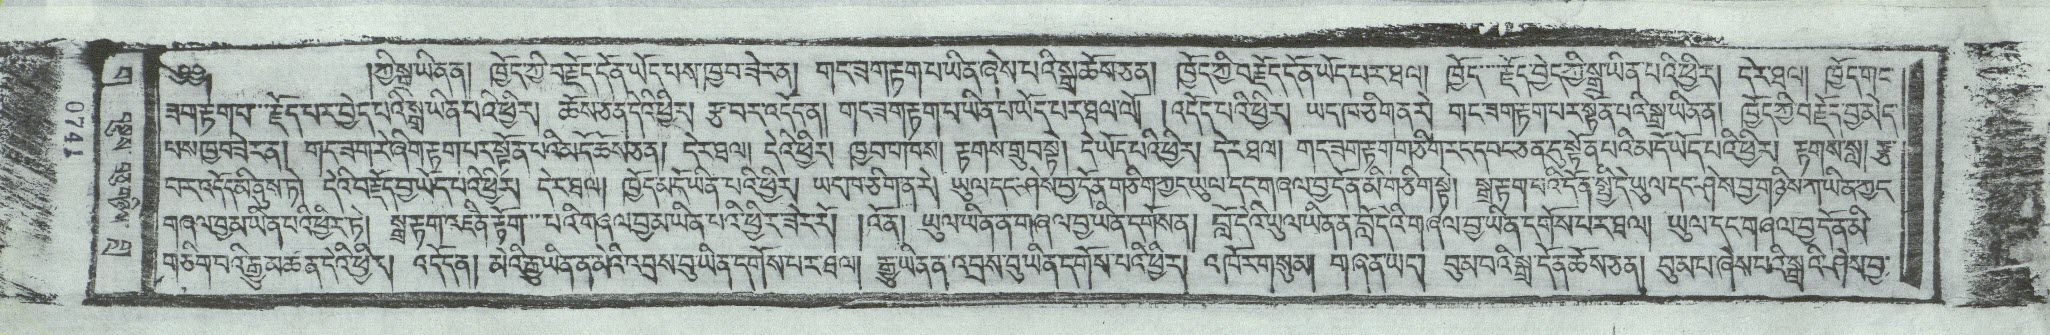༄༅། །ཀྱི་སྒྲ་ཡིན་ན། ཁྱོད་ཀྱི་བརྗོད་དོན་ཡོད་པས་ཁྱབ་ཟེར་ན། གང་ཟག་རྟག་པ་ཡིན་ཞེས་པའི་སྒྲ་ཆོས་ཅན། ཁྱོད་ཀྱི་བརྗོད་དོན་ཡོད་པར་ཐལ། ཁྱོད་རྗོད་བྱེད་ཀྱི་སྒྲ་ཡིན་པའི་ཕྱིར། དེར་ཐལ། ཁྱོད་གང་
ཟག་རྟག་པ་རྗོད་པར་བྱེད་པའི་སྒྲ་ཡིན་པའི་ཕྱིར། ཆོས་ཅན་དེའི་ཕྱིར། རྩ་བར་འདོད་ན། གང་ཟག་རྟག་པ་ཡིན་པ་ཡོད་པར་ཐལ་ལོ། །འདོད་པའི་ཕྱིར། ཡང་ཁ་ཅིག་ན་རེ། གང་ཟག་རྟག་པར་སྟོན་པའི་སྒྲ་ཡིན་ན། ཁྱོད་ཀྱི་བརྗོད་བྱ་མེད་
པས་ཁྱབ་ཟེར་ན། གང་ཟག་རེ་ཞིག་རྟག་པར་སྟོན་པའི་མདོ་ཆོས་ཅན། དེར་ཐལ། དེའི་ཕྱིར། ཁྱབ་པ་ཁས། རྟགས་གྲུབ་སྟེ། དེ་ཡོད་པའི་ཕྱིར། དེར་ཐལ། གང་ཟག་རྟག་གཅིག་རང་དབང་ཅན་དུ་སྟོན་པའི་མདོ་ཡོད་པའི་ཕྱིར། རྟགས་སླ། རྩ་
བར་འདོད་མི་ནུས་ཏེ། དེའི་བརྗོད་བྱ་ཡོད་པའི་ཕྱིར། དེར་ཐལ། ཁྱོད་མདོ་ཡིན་པའི་ཕྱིར། ཡང་ཁ་ཅིག་ན་རེ། ཡུལ་དང་ཤེས་བྱ་དོན་གཅིག་ཀྱང་ཡུལ་དང་གཞལ་བྱ་དོན་མི་གཅིག་སྟེ། སྒྲ་རྟག་པའི་དོན་སྤྱི་དེ་ཡུལ་དང་ཤེས་བྱ་གཉིས་ཀ་ཡིན་ཀྱང་
གཞལ་བྱ་མ་ཡིན་པའི་ཕྱིར་ཏེ། སྒྲ་རྟག་འཛིན་རྟོག་པའི་གཞལ་བྱ་མ་ཡིན་པའི་ཕྱིར་ཟེར་རོ། །འོ་ན། ཡུལ་ཡིན་ན་གཞལ་བྱ་ཡིན་དགོས་ན། བློ་དེའི་ཡུལ་ཡིན་ན་བློ་དེའི་གཞལ་བྱ་ཡིན་དགོས་པར་ཐལ། ཡུལ་དང་གཞལ་བྱ་དོན་མི་
གཅིག་བའི་རྒྱུ་མཚན་དེའི་ཕྱིར། འདོད་ན། མེའི་རྒྱུ་ཡིན་ན་མེའི་འབྲས་བུ་ཡིན་དགོས་པར་ཐལ། རྒྱུ་ཡིན་ན་འབྲས་བུ་ཡིན་དགོས་པའི་ཕྱིར། འཁོར་གསུམ། གཞན་ཡང་། བུམ་པའི་སྒྲ་དོན་ཆོས་ཅན། བུམ་པ་ཞེས་པའི་སྒྲའི་ཤེས་བྱ་